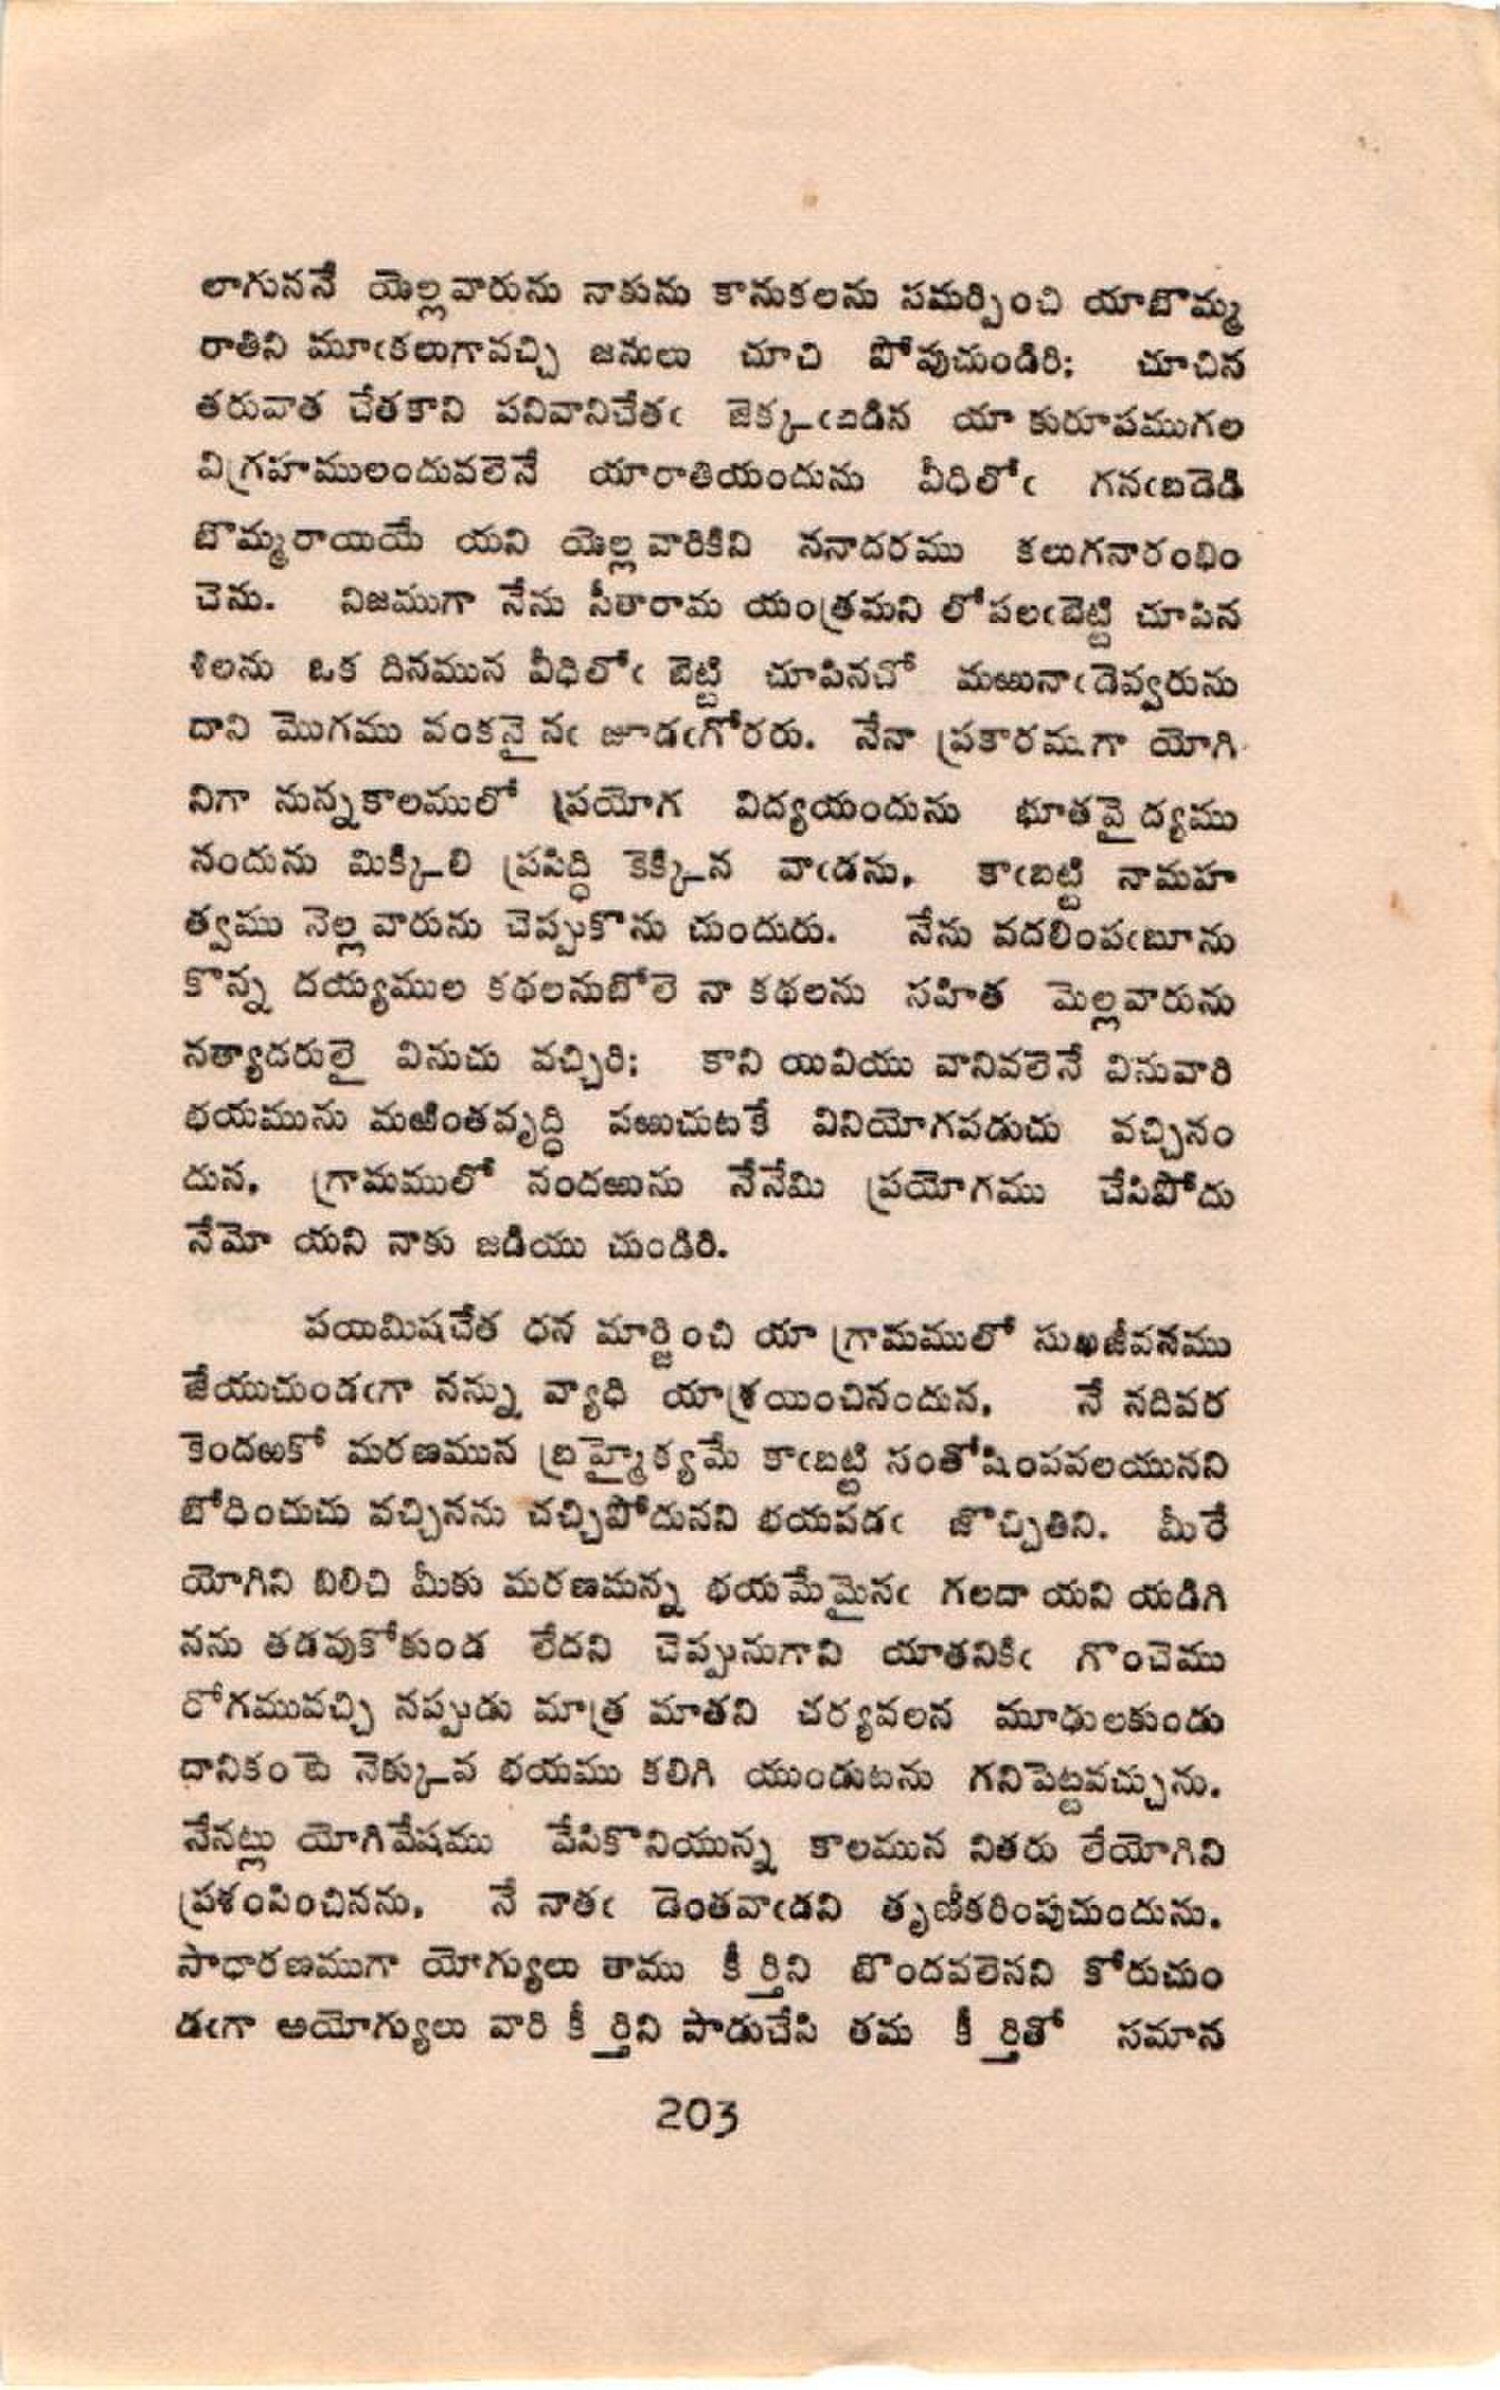లాగుననే యెల్లవారును నాకును కానుకలను సమర్పించి యాబొమ్మ రాతిని మూఁకలుగా వచ్చి జనులు చూచి పోవుచుండిరి; చూచిన తరువాత చేతకాని పనివానిచేతఁ జెక్కఁబడిన యా కురూపముగల విగ్రహములందువలెనే యారాతియందును వీధిలోఁ గనఁబడెడి బొమ్మరాయియే యని యెల్లవారికిని ననాదరము కలుగనారంభిం చెను. నిజముగా నేను సీతారామ యంత్రమని లోపలఁబెట్టి చూపిన శిలను ఒక దినమున వీధిలోఁ బెట్టి చూపినచో మఱునాఁడెవ్వరును దాని మొగము వంకనైనఁ జూడఁగోరరు. నేనా ప్రకారముగా యోగినిగా నున్నకాలములో ప్రయోగ విద్యయందును భూతవైద్యము నందును మిక్కిలి ప్రసిద్ధి కెక్కిన వాఁడను, కాబట్టి నా మహత్వము నెల్లవారును చెప్పుకొను చుందురు. నేను వదలింపఁబూను కొన్న దయ్యముల కథలనుబోలె నా కథలను సహిత మెల్లవారును నత్యాదరులై వినుచు వచ్చిరి; కాని యివియు వానివలెనే వినువారి భయమును మఱింతవృద్ధి పఱచుటకే వినియోగపడుచు వచ్చినందున, గ్రామములో నందఱును నేనేమి ప్రయోగము చేసిపోదు నేమో యని నాకు జడియు చుండిరి.

పయిమిషచేత ధన మార్జించి యా గ్రామములో సుఖజీవనము జేయుచుండఁగా నన్ను వ్యాధి యాశ్రయించినందున, నే నదివర కెందఱకో మరణమున బ్రహ్మైక్యమే కాబట్టి సంతోషింపవలయునని బోధించుచు వచ్చినను చచ్చిపోదునని భయపడఁ జొచ్చితిని. మీరే యోగిని బిలిచి మీకు మరణమన్న భయమేమైనఁ గలదా యని యడిగి నను తడవుకోకుండ లేదని చెప్పునుగాని యాతనికిఁ గొంచెము రోగమువచ్చి నప్పడు మాత్ర మాతని చర్యవలన మూఢులకుండు దానికంటె నెక్కువ భయము కలిగి యుండుటను గనిపెట్టవచ్చును. నేనట్లు యోగివేషము వేసికొనియున్న కాలమున నితరు లేయోగిని ప్రశంసించినను, నే నాతఁ డెంతవాఁడని తృణీకరింపుచుందును, సాధారణముగా యోగ్యులు తాము కీర్తిని బొందవలెనని కోరుచుం డఁగా అయోగ్యులు వారి కీర్తిని పాడుచేసి తమ కీర్తితో సమాన